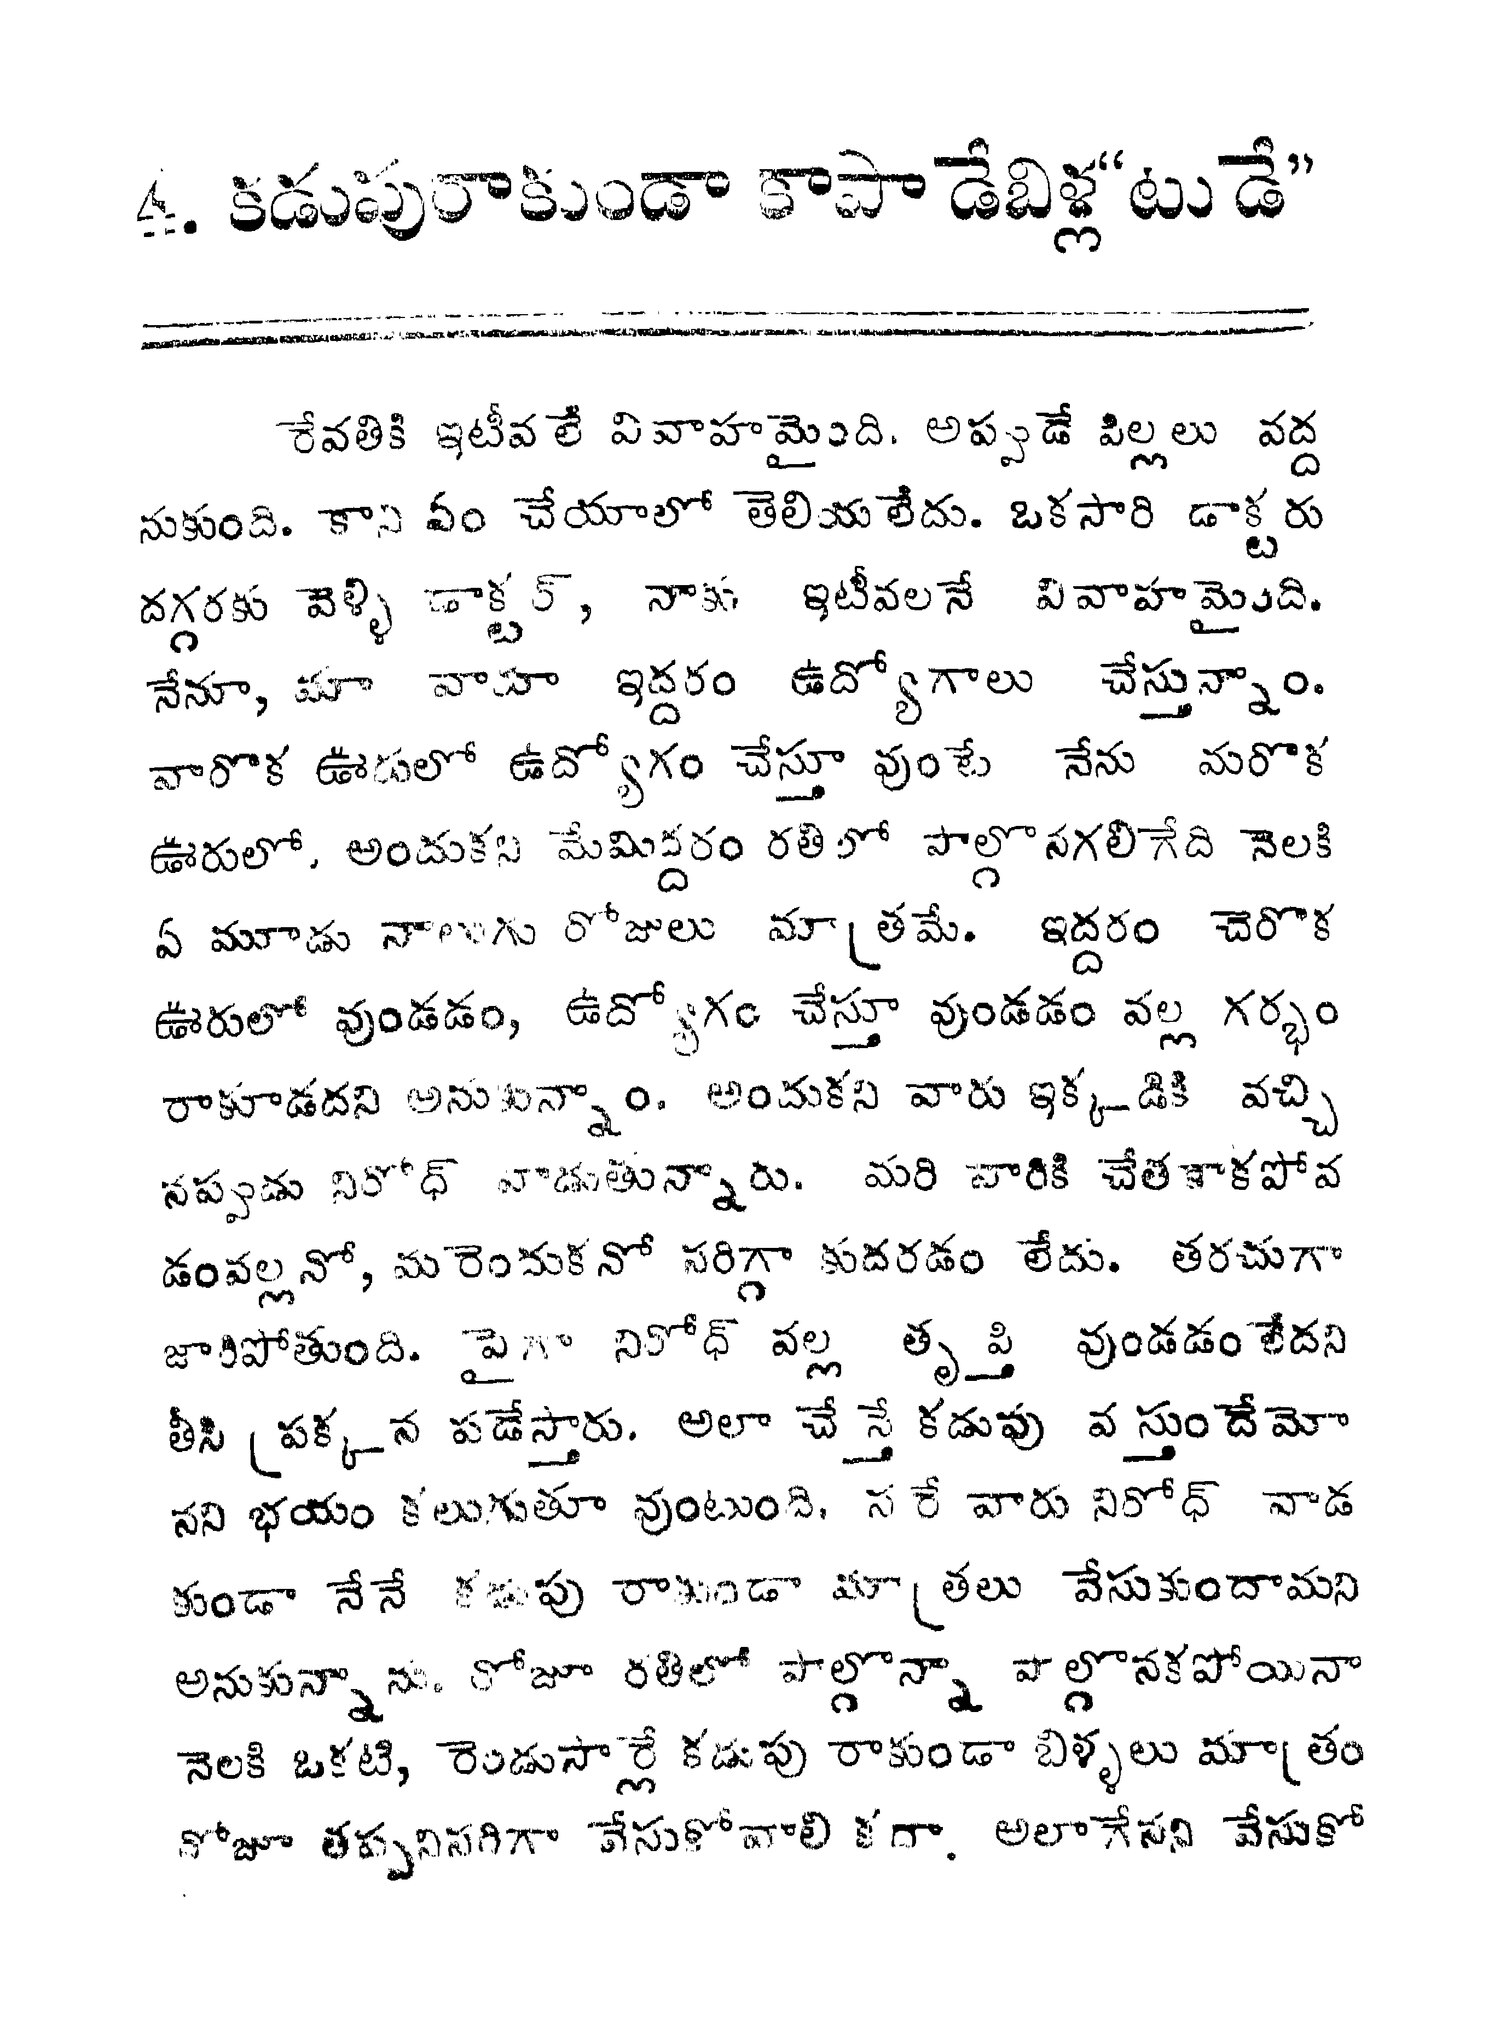రేవతికి ఇటీవలే వివాహమైంది. అప్పుడే పిల్లలు వద్దనుకుంది. కాని ఏం చేయాలో తెలియలేదు. ఒకసారి డాక్టరు దగ్గరకు వెళ్ళి డాక్టర్, నాకు ఇటీవలనే వివాహమైంది. నేనూ, మావారూ ఇద్దరం ఉద్యోగాలు చేస్తున్నాం. వారొక ఊరులో ఉద్యోగం చేస్తూ వుంటే నేను మరొక ఊరులో, అందుకని మేమిద్దరం రతిలో పాల్గొనగలిగేది నెలకి ఏ మూడు నాలుగు రోజులు మాత్రమే. ఇద్దరం చెరొక ఊరులో వుండడం, ఉద్యోగం చేస్తూ వుండడం వల్ల గర్భం రాకూడదని అనుకున్నాం. అందుకని వారు ఇక్కడికి వచ్ఫినప్పుడు నిరోధ్ వాడుతున్నారు. మరి వారికి చేతకాకపోవడంవల్లనో, మరెందుకనో సరిగ్గా కుదరడం లేదు. తరచుగా జారిపోతుంది. పైగా నిరోధ్ వల్ల తృప్తి వుండడం లేదని తీసి ప్రక్కన పడేస్తారు. అలా చేస్తే కడుపు వస్తుందేమోనని భయం కలుగుతూ వుంటుంది. సరే వారు నిరొధ్ వాడకుండా నేనే కడుపు రాకుండా మాత్రలు వేసుకుందామని అనుకున్నాను. రోజూ రతిలో పాల్గొన్నా పాల్గొనకపోయినా నెలకి ఒకటి, రెండుసార్లే కడుపు రాకుండా బిళ్ళలు మాత్రం రోజూ తప్పనిసరిగా వేసుకొవాలి కదా, అలాగేనని వేసుకో